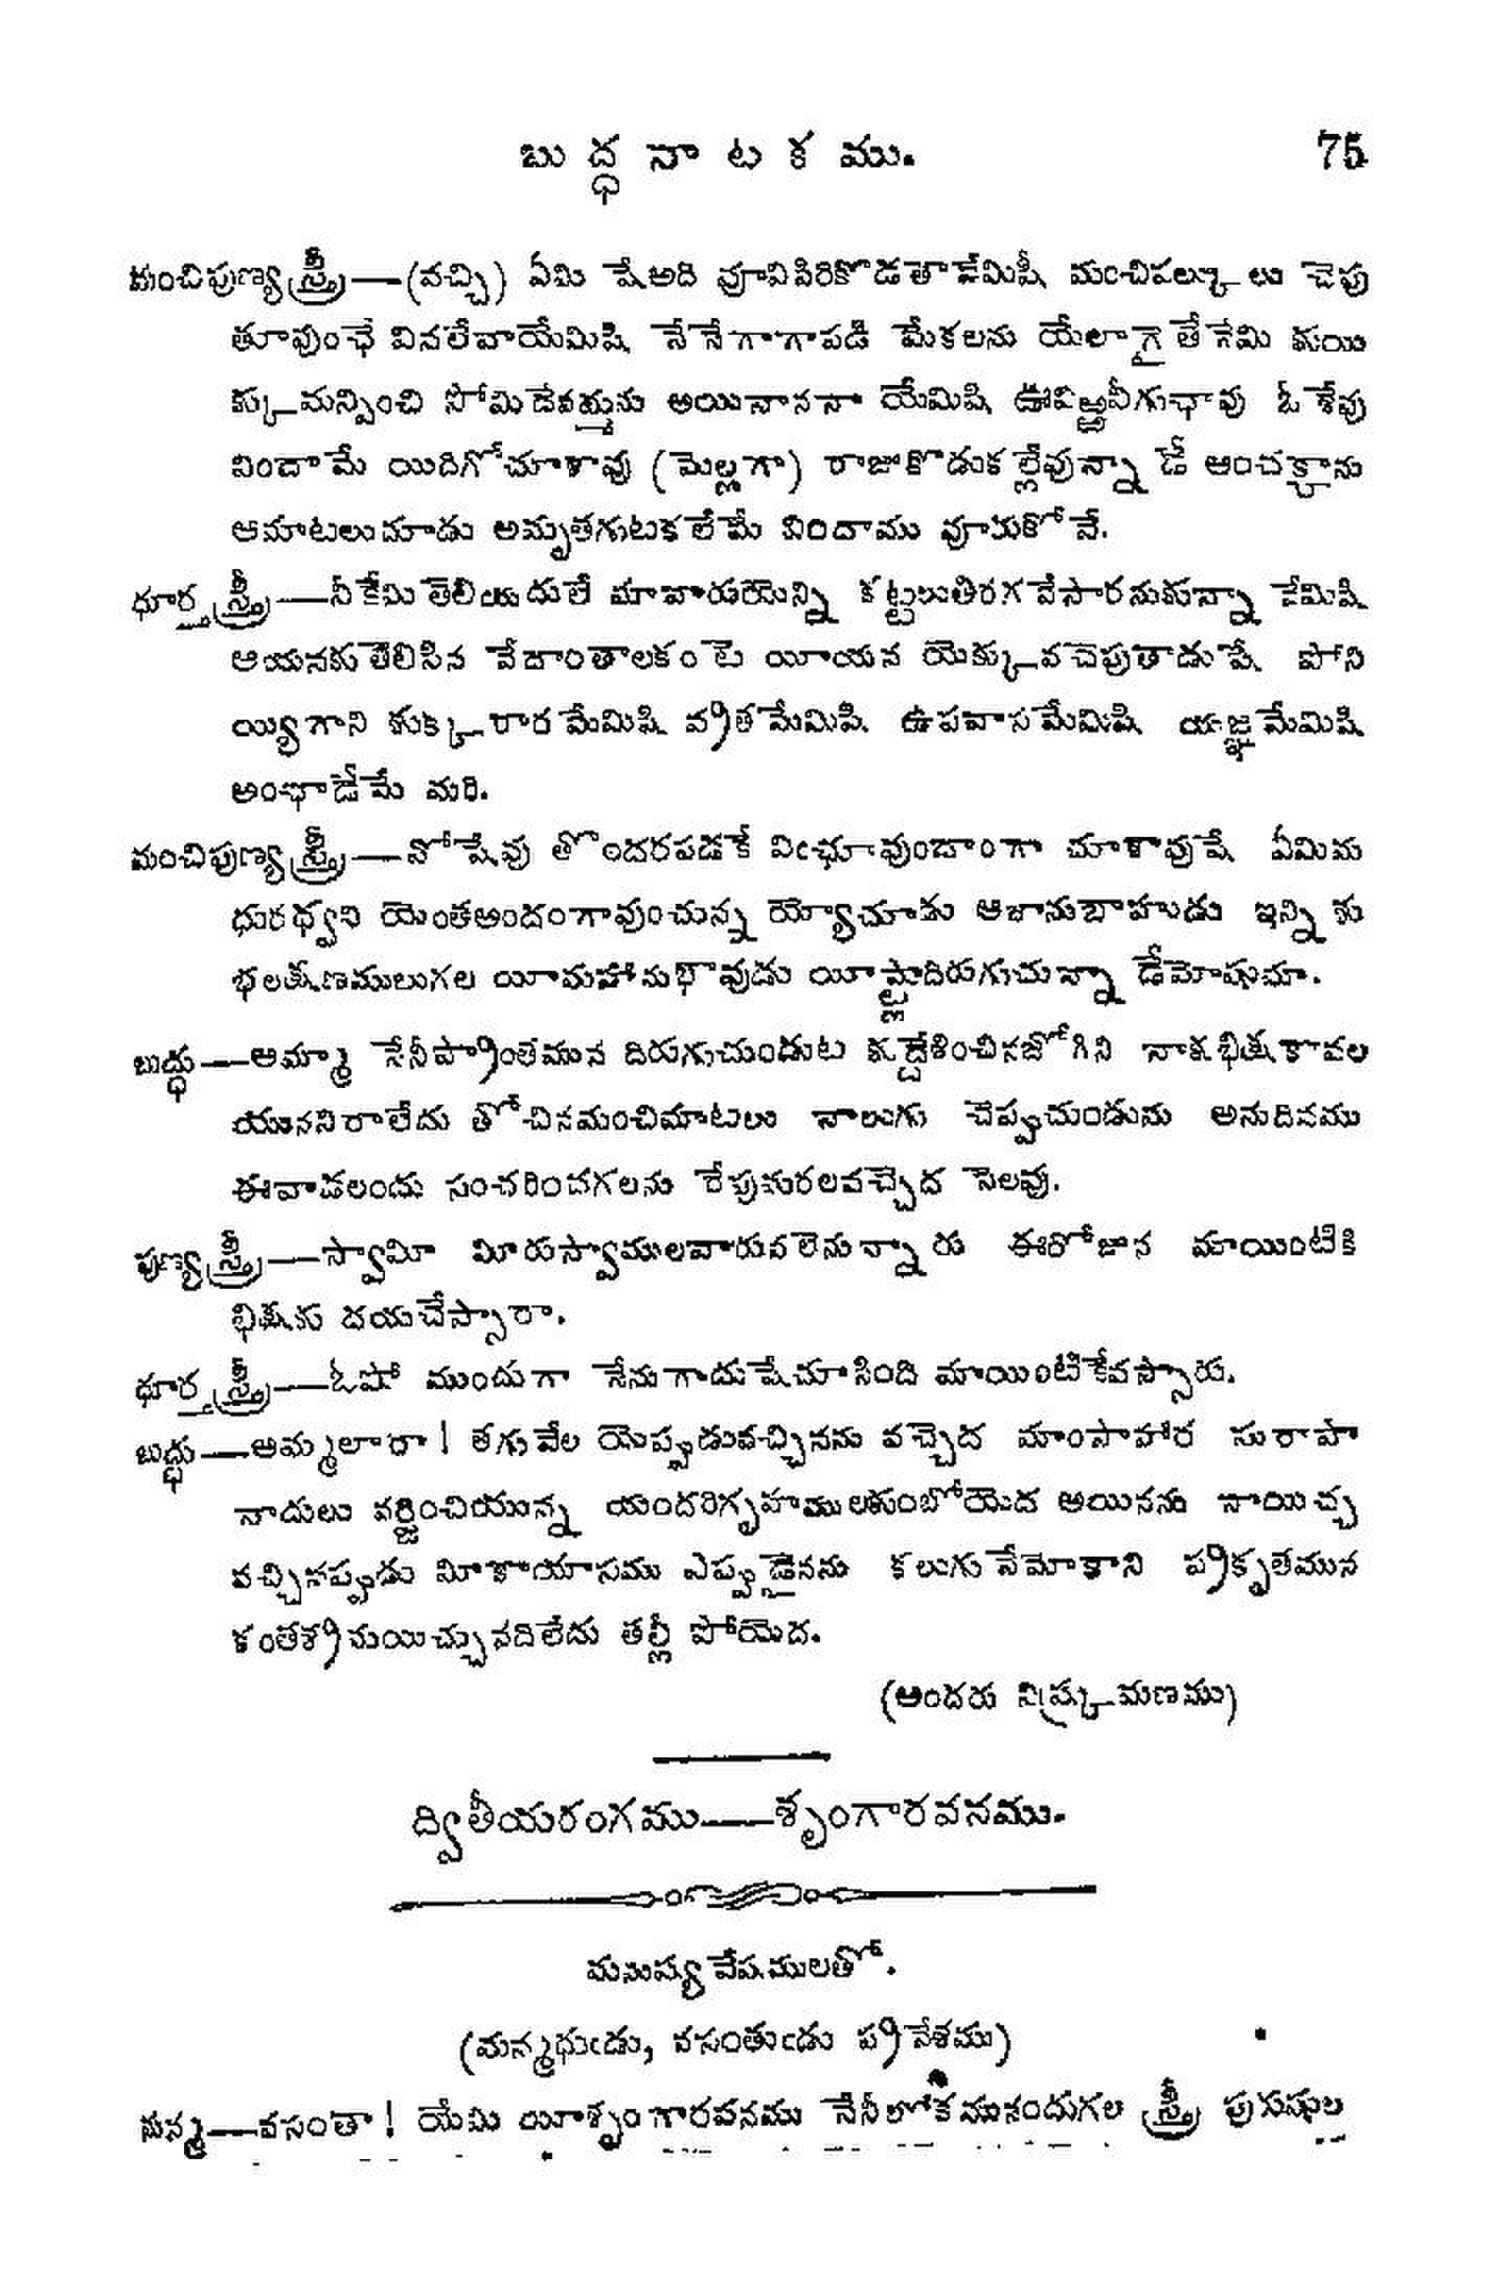మంచిపుణ్య స్త్రీ — (వచ్చి) ఏమి షేఅది పూవిసిరికొడతావేమిషీ మంచిపల్కులు చెపుతూవుంఛే వినలేవాయేమిషి నేనేగాగాపడి 
మేకలను యేలాగైతే నేమి కుయిక్కుమన్పించి సోమిదేవమ్మను అయినాననా యేమిషి ఊవిఱ్ఱవీగుఛావు ఓ శేపు విందామే 
యిదిగోచూశావు (మెల్లగా) రాజుకొడుకల్లేవున్నాడే ఆంచక్కాను ఆమాటలుచూడు అమృతగుటకలేమే విందాము వూరుకోనే.

ధూర్త స్త్రీ — నీకేమి తెలియదులే మావారుయెన్ని కట్టలుతిరగవేసారనుకున్నా వేమిషి. ఆయనకు తెలిసిన వేదాంతాలకంటే 
యీయన యెక్కువచెపుతాడుషే పోనియ్యిగాని శుక్కరారమేమిషి వ్రతమేమిషి ఉపవాసమేమిషి యజ్ఞమేమిషి అంఛాడేమే మరి.

మంచి పుణ్యస్త్రీ - నోషేవు తొందరపడకే వింఛూవుందాంగా చూశావుషే ఏమిను ధురధ్వని యెంతఅందంగావుంచున్నయ్యోచూడు ఆజానుబాహుడు ఇన్ని శుభలక్షణములుగల యీమహానుభావుడు యిష్ఠదిరుగుచున్నాడేమోషుమా.

బుద్ధు - అమ్మా నేనీ ప్రాంతమున దిరుగుచుండుట కుద్దేశించినజోగిని నాభిక్ష కావలయుననిరాలేదు తోచినమంచిమాటలు 
నాలుగు చెప్పుచుండును అనుదినము ఈవాడలందు సంచరించగలను రేపు మరలవచ్చెద సెలవు.

పుణ్యస్త్రీ - స్వామి మీరుస్వాములవారువలెనున్నారు ఈరోజున మాయింటికి భిక్షకు దయచేస్సారా.

ధూర్త్మస్త్రీ — ఓషో ముందుగా నేనుగాదుషేచూసింది మాయింటి వస్సారు.

బుద్ధు — అమ్మలారా! తగువేల యెప్పుడువచ్చినను వచ్చెద మాంసాహార సురాపానాదులు వర్ణించియున్న యందరి
గృహములకుంబోయెద అయినను నాయిచ్చవచ్చినప్పుడు మీకాయాసము ఎప్పుడైనను కలుగుసేమోకాని ప్రకృతమున కంతశ్రమయిచ్చునదిలేదు తల్లీ పోయెద.

 

 

మన్మ — వసంతా! యేమి యీశృంగారవనము నేనీలోకమునందుగల స్త్రీ పురుషుల